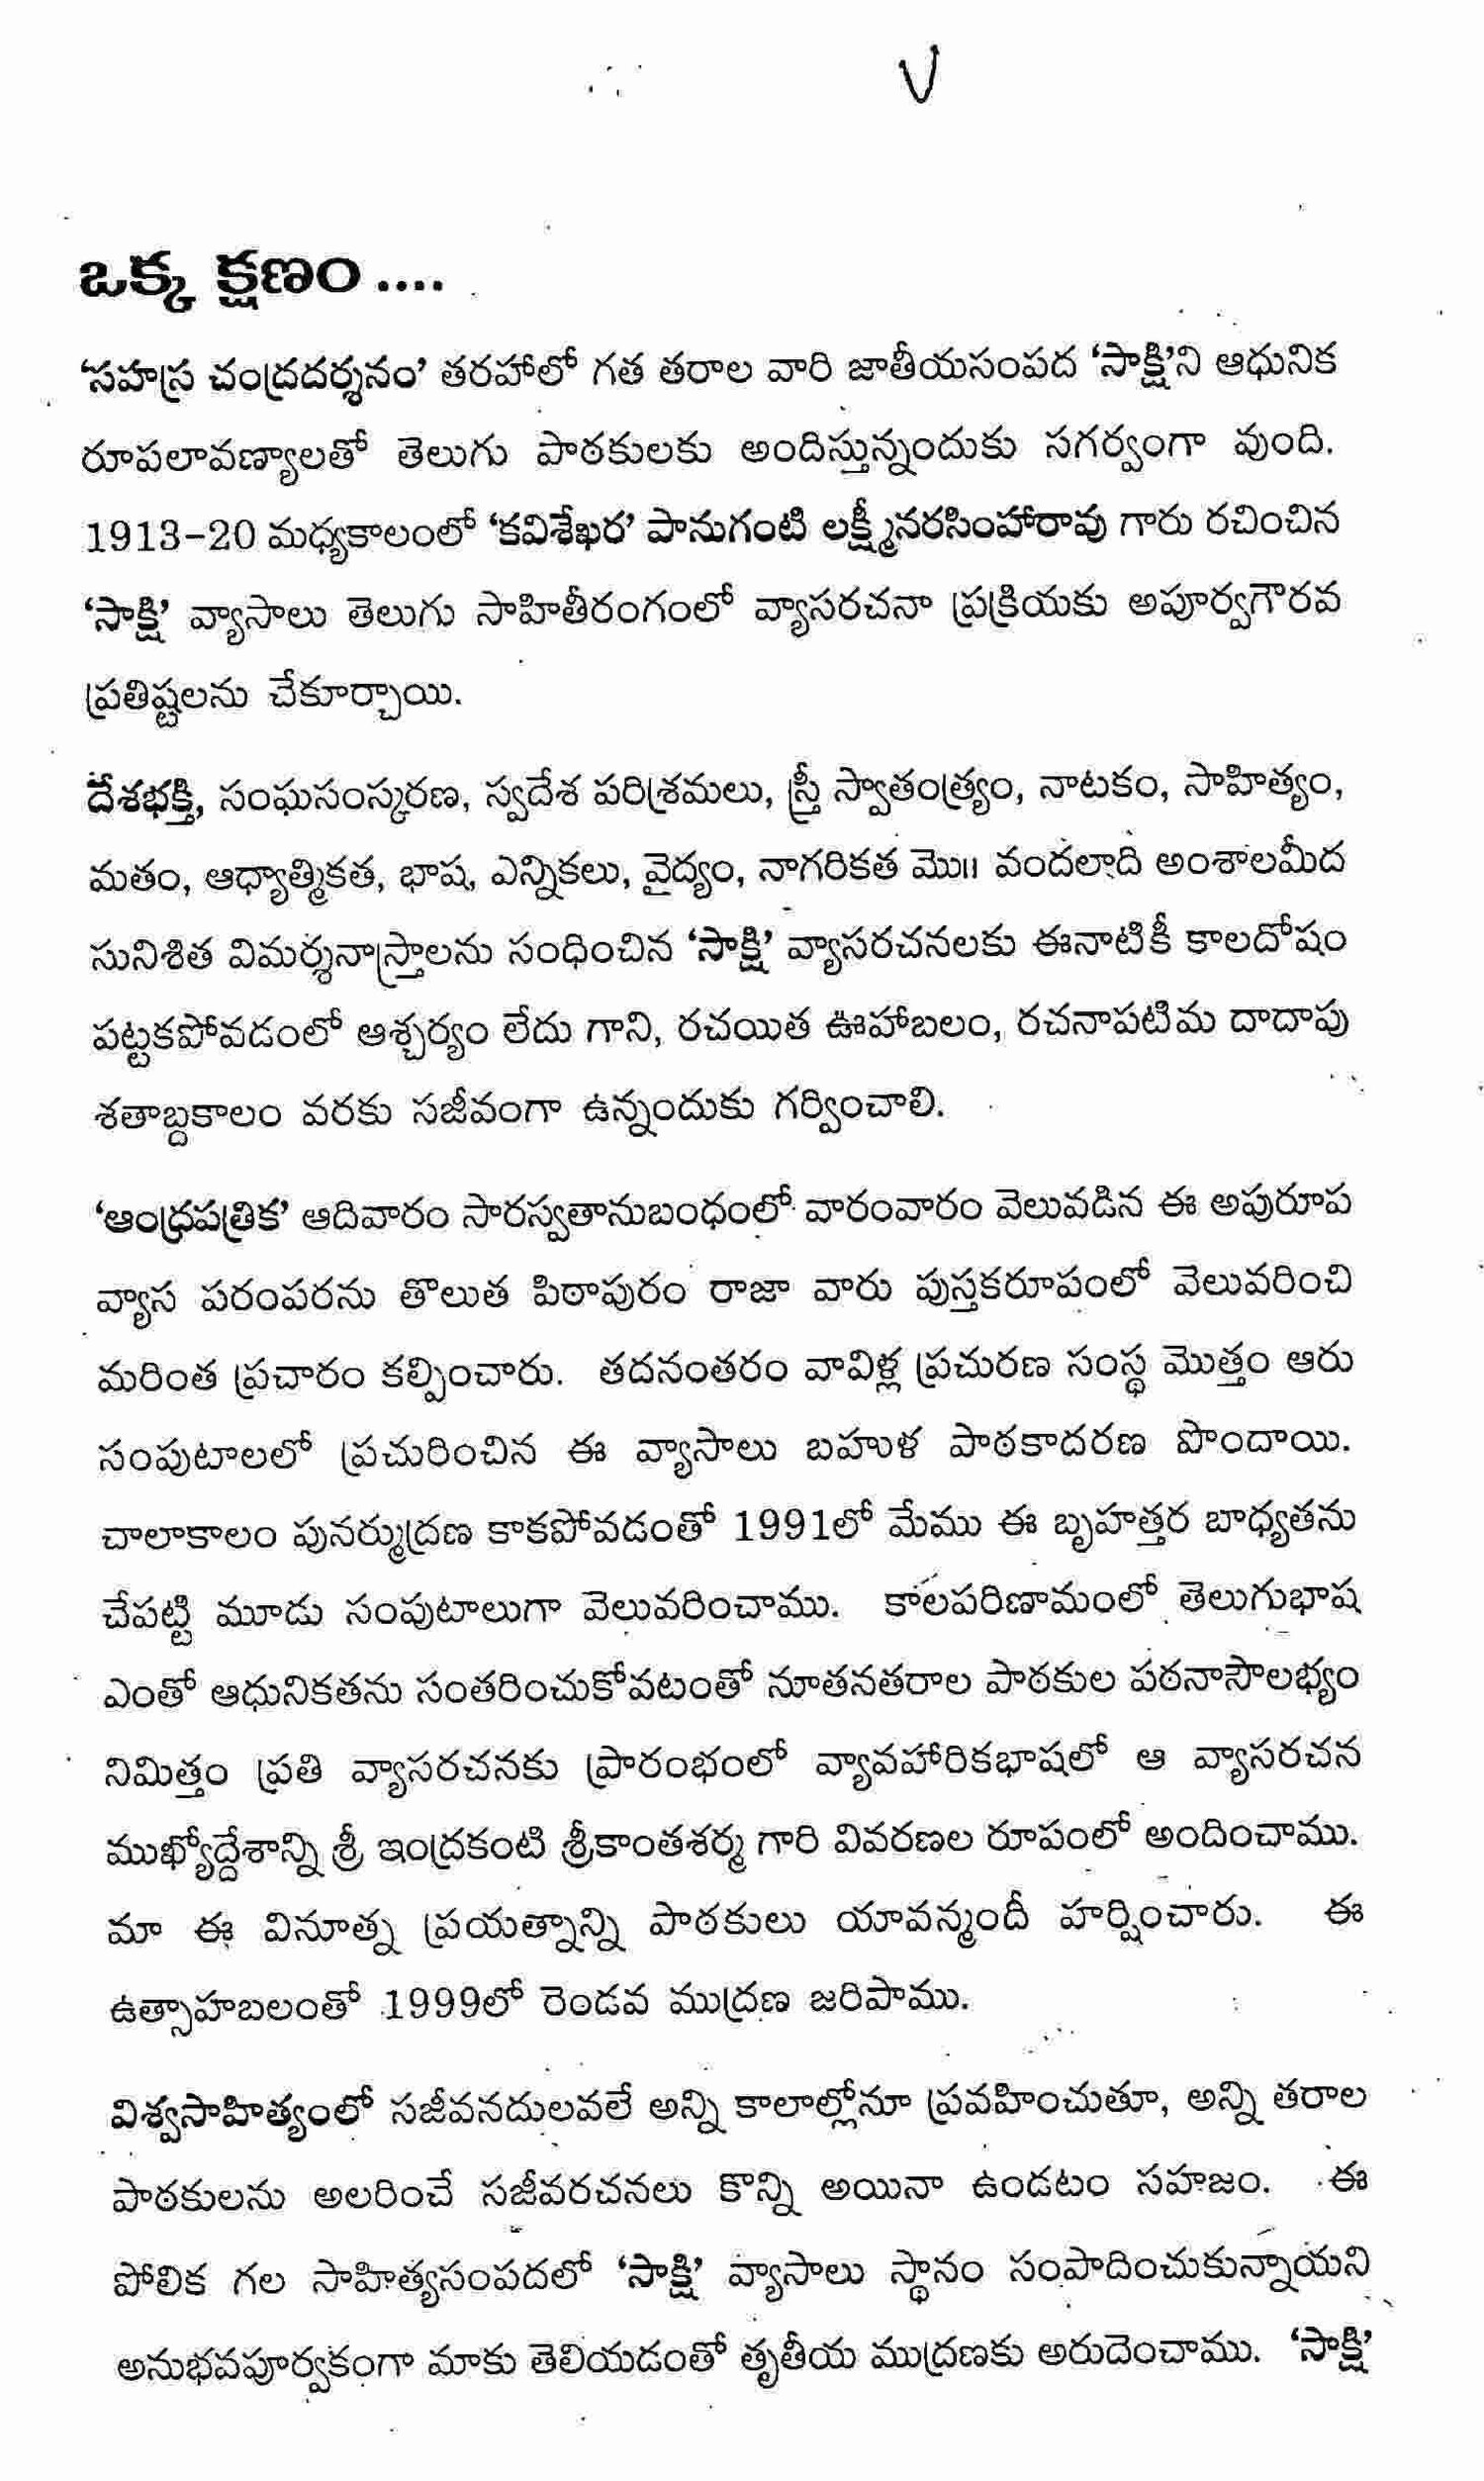‘సహస్ర చంద్రదర్శనం’ తరహాలో గత తరాల వారి జాతీయసంపద ‘సాక్షి’ ని ఆధునిక రూపలావణ్యాలతో తెలుగు పాఠకులకు అందిస్తున్నందుకు సగర్వంగా వుంది. 1913-20 మధ్యకాలంలో ‘కవిశేఖర’ పానుగంటి లక్ష్మీనరసింహారావు గారు రచించిన ‘సాక్షి’ వ్యాసాలు తెలుగు సాహితీరంగంలో వ్యాసరచనా ప్రక్రియకు అపూర్వగౌరవ ప్రతిష్టలను చేకూర్చాయి.

దేశభక్తి, సంఘసంస్కరణ, స్వదేశ పరిశ్రమలు, స్త్రీ స్వాతంత్య్రం, నాటకం, సాహిత్యం, మతం, ఆధ్యాత్మికత, భాష, ఎన్నికలు, వైద్యం, నాగరికత మొ॥ వందలాది అంశాలమీద సునిశిత విమర్శనాస్త్రాలను సంధించిన ‘సాక్షి’ వ్యాసరచనలకు ఈనాటికీ కాలదోషం పట్టకపోవడంలో ఆశ్చర్యం లేదు గాని, రచయిత ఊహాబలం, రచనాపటిమ దాదాపు శతాబ్దకాలం వరకు సజీవంగా ఉన్నందుకు గర్వించాలి.

‘ఆంధ్రపత్రిక’ ఆదివారం సారస్వతానుబంధంలో వారంవారం వెలువడిన ఈ అపురూప వ్యాస పరంపరను తొలుత పిఠాపురం రాజా వారు పుస్తకరూపంలో వెలువరించి మరింత ప్రచారం కల్పించారు. తదనంతరం వావిళ్ల ప్రచురణ సంస్థ మొత్తం ఆరు సంపుటాలలో ప్రచురించిన ఈ వ్యాసాలు బహుళ పాఠకాదరణ పొందాయి. చాలాకాలం పునర్ముద్రణ కాకపోవడంతో 1991లో మేము ఈ బృహత్తర బాధ్యతను చేపట్టి మూడు సంపుటాలుగా వెలువరించాము. కాలపరిణామంలో తెలుగుభాష
ఎంతో ఆధునికతను సంతరించుకోవటంతో నూతనతరాల పాఠకుల పఠనాసౌలభ్యం నిమిత్తం ప్రతి వ్యాసరచనకు ప్రారంభంలో వ్యావహారికభాషలో ఆ వ్యాసరచన ముఖ్యోద్దేశాన్ని శ్రీ ఇంద్రకంటి శ్రీకాంతశర్మ గారి వివరణల రూపంలో అందించాము. మా ఈ వినూత్న ప్రయత్నాన్ని పాఠకులు యావన్మందీ హర్షించారు. ఈ ఉత్సాహబలంతో 1999లో రెండవ ముద్రణ జరిపాము.

విశ్వసాహిత్యంలో సజీవనదులవలే అన్ని కాలాల్లోనూ ప్రవహించుతూ, అన్ని తరాల పాఠకులను అలరించే సజీవరచనలు కొన్ని అయినా ఉండటం సహజం. ఈ పోలిక గల సాహిత్యసంపదలో ‘సాక్షి’ వ్యాసాలు స్థానం సంపాదించుకున్నాయని అనుభవపూర్వకంగా మాకు తెలియడంతో తృతీయ ముద్రణకు అరుదెంచాము. ‘సాక్షి’